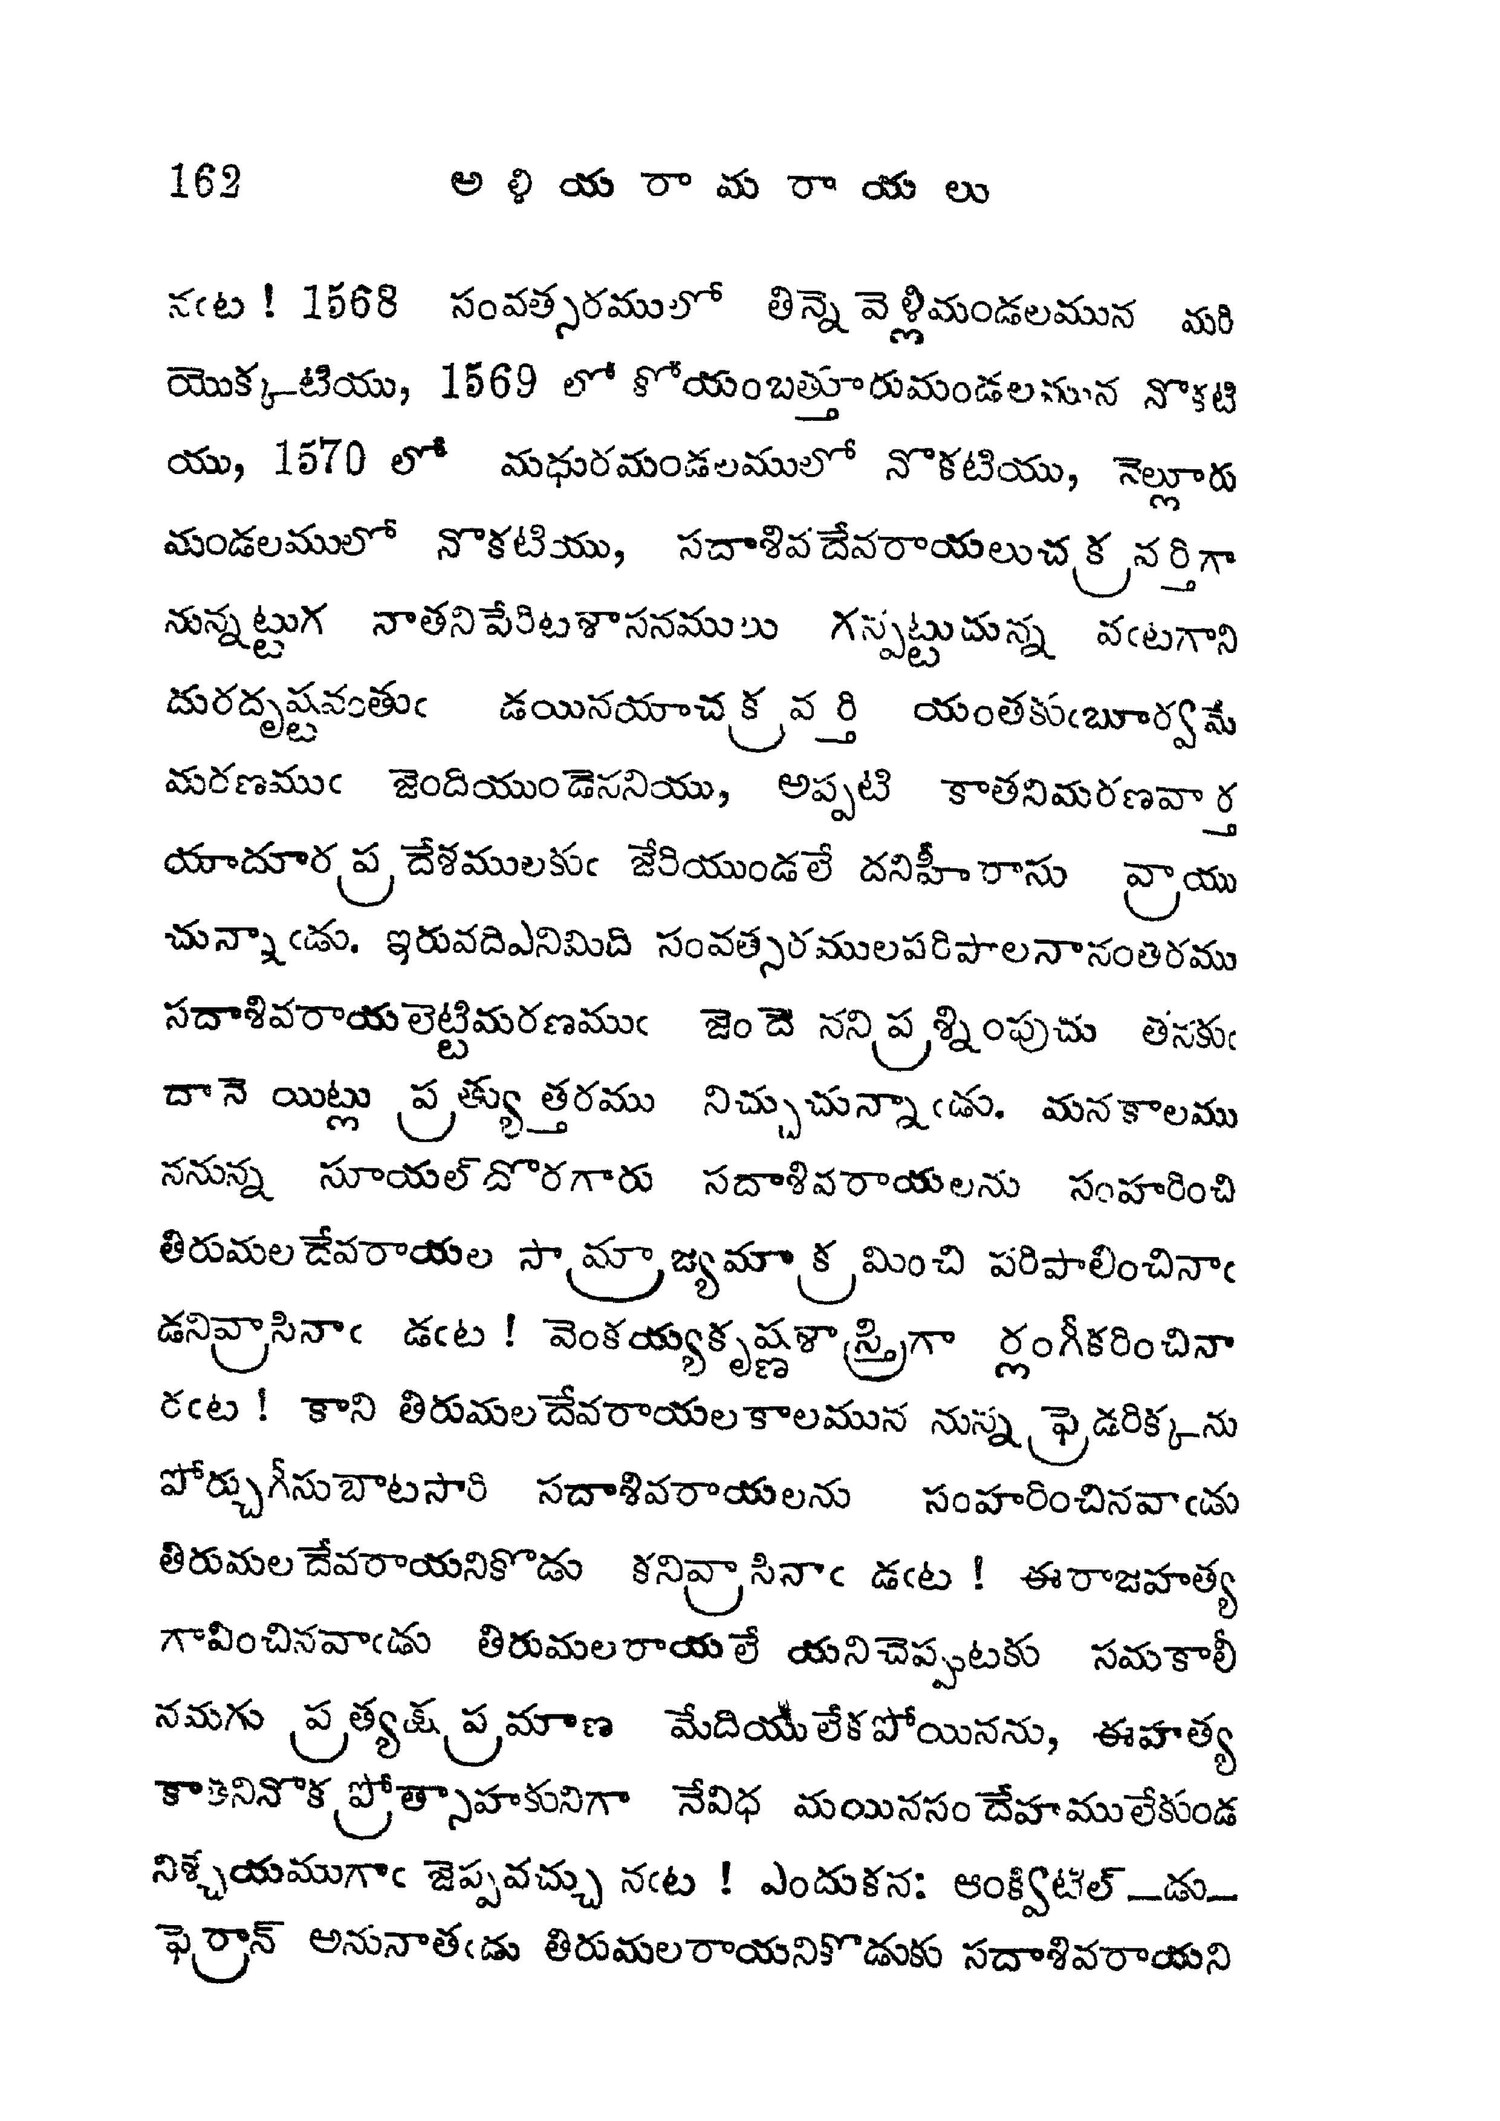నట ! 1568 సంవత్సరములో తిన్నెవెళ్లిమండలమున మరియొక్కటియు, 1569 లో కోయంబత్తూరుమండలమున నొకటియు, 1570 లో మధురమండలములో నొకటియు, నెల్లూరు మండలములో నొకటియు, సదాశివదేవరాయలు చక్రవర్తిగా నున్నట్టుగ నాతనిపేరిటశాసనములు గన్పట్టుచున్న వటగాని దురదృష్టవంతు డయినయాచక్రవర్తి యంతకుబూర్వమే మరణము జెందియుండెననియు, అప్పటి కాతనిమరణవార్త యాదూరప్రదేశములకు జేరియుండలే దనిహీరాసు వ్రాయుచున్నాడు. ఇరువదిఎనిమిది సంవత్సరములపరిపాలనానంతరము సదాశివరాయలెట్టిమరణము జెందె ననిప్రశ్నింపుచు తనకుదానె యిట్లు ప్రత్యుత్తరము నిచ్చుచున్నాడు. మనకాలముననున్న సూయల్‌దొరగారు సదాశివరాయలను సంహరించి తిరుమలదేవరాయల సామ్రాజ్యమాక్రమించి పరిపాలించినాడనివ్రాసినా డట ! వెంకయ్యకృష్ణశాస్త్రిగా ర్లంగీకరించినారట! కాని తిరుమలదేవరాయలకాలమున నున్నఫ్రెడరిక్కను పోర్చుగీసుబాటసారి సదాశివరాయలను సంహరించినవాడు తిరుమలదేవరాయనికొడు కనివ్రాసినా డట! ఈరాజహత్య గావించినవాడు తిరుమలరాయలే యనిచెప్పుటకు సమకాలీనమగు ప్రత్యక్షప్రమాణ మేదియేలేకపోయినను, ఈహత్య కాతనినొకప్రోత్సాహకునిగా నేవిధ మయినసందేహములేకుండ నిశ్చయముగా జెప్పవచ్చు నట! ఎందుకన: ఆంక్విటిల్ - డు - ఫ్రెర్రాన్ అనునాతడు తిరుమలరాయనికొడుకు సదాశివరాయని